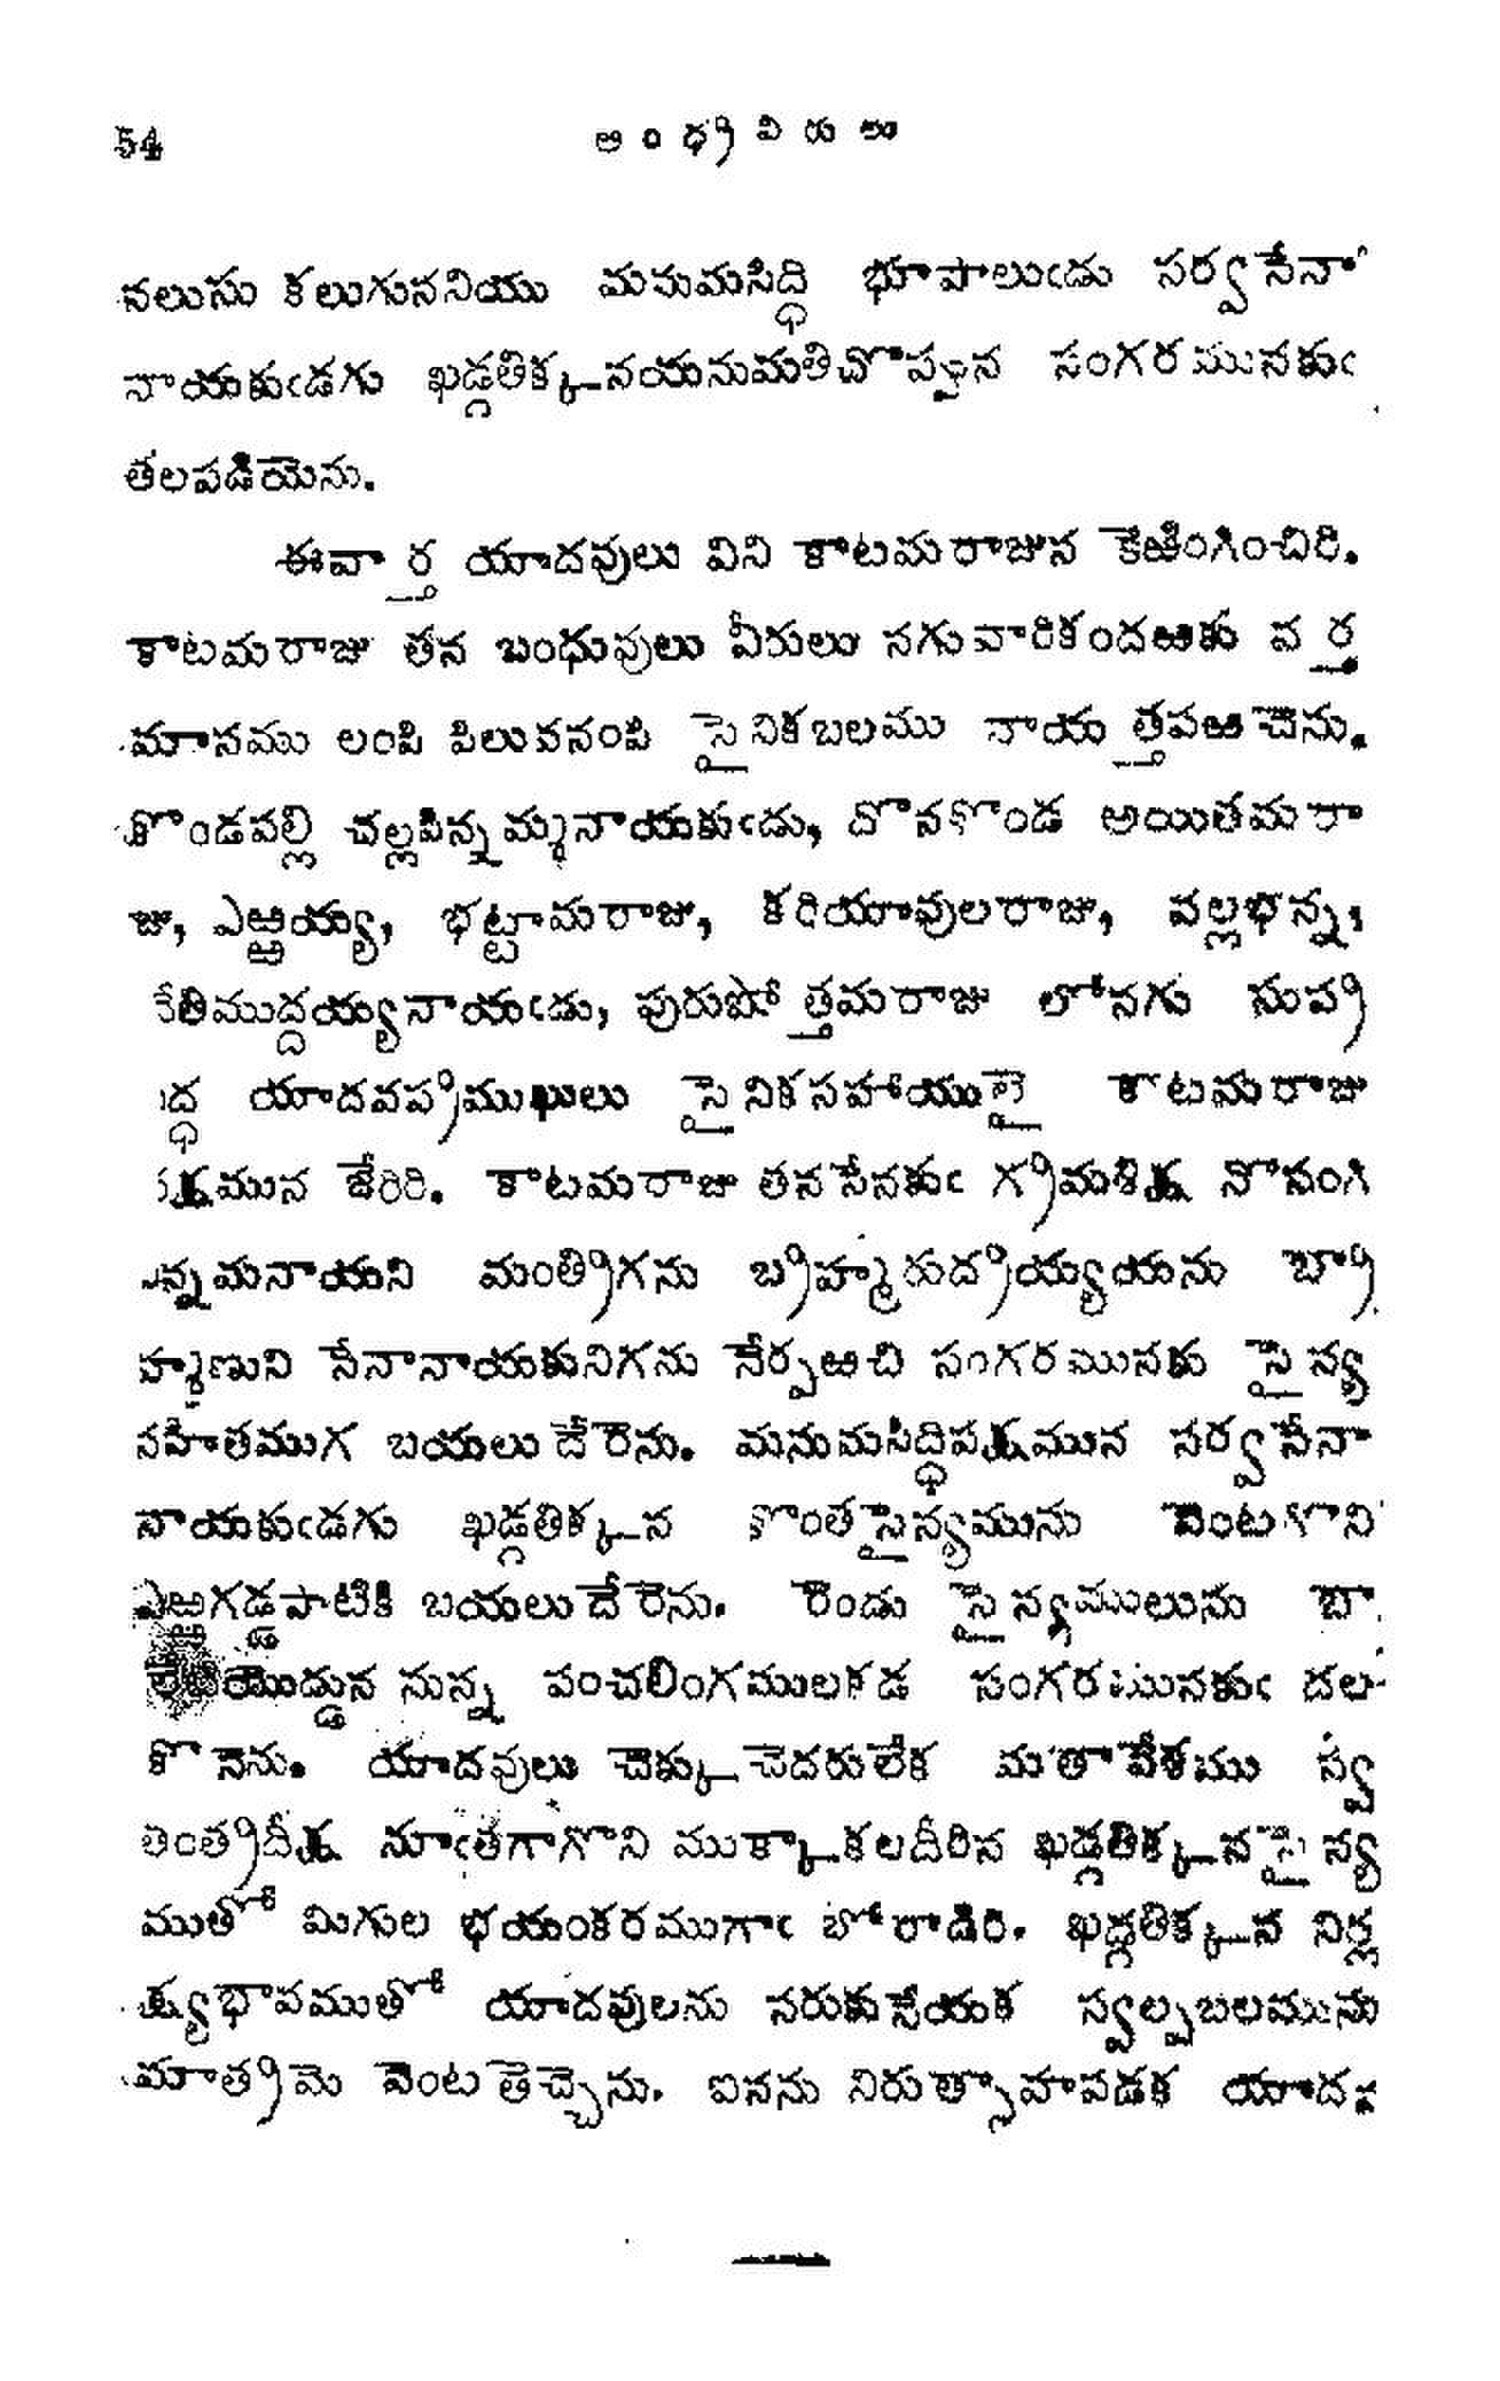నలుసు కలుగుననియు మనుమసిద్ధి భూపాలుడు సర్వసేనానాయకుడగు ఖడ్గతిక్కన యనుమతి చొప్పున సంగరమునకు తలపడియెను.

ఈవార్త యాదవులు విని కాటమరాజున కెఱింగించిరి. కాటమరాజు తన బంధువులు వీరులు నగువారికందఱకు వర్తమానము లంపి పిలువనంపి సైనికబలము నాయత్తపఱచెను. కొండపల్లి చల్లపిన్నమ్మనాయకుడు, దొనకొండ అయితమరాజు, ఎఱ్ఱయ్య, భట్టామరాజు, కరియాపులరాజు, వల్లభన్న, నేతిముద్దయ్యనాయడు, పురుషోత్తమరాజు లోనగు సుప్రసిద్ధ యాదవప్రముఖులు సైనికసహాయులై కాటమరాజు పక్షమున జేరిరి. కాటమరాజు తనసేనకు గ్రమశిక్ష నొసంగి చిన్నమనాయని మంత్రిగను బ్రహ్మరుద్రయ్యయను బ్రాహ్మణుని సేనానాయకునిగను నేర్పఱచి సంగరమునకు సైన్యసహితముగ బయలుదేరెను. మనుమసిద్ధిపక్షమున సర్వసేనానాయకుడగు ఖడ్గతిక్కన కొంతసేన్యమును వెంటగొని ఎఱ్ఱగడ్డపాటికి బయలుదేరెను. రెండు సైన్యములును బాలేరుయొడ్డున నున్న పంచలింగములకడ సంగరమునకు దలకొనెను. యాదవులు చెక్కు చెదరులేక మతావేశము స్వతంత్రదీక్ష నూతగాగొని ముక్కాకలదీరిన ఖడ్గతిక్కన సైన్యముతో మిగుల భయంకరముగా బోరాడిరి. ఖడ్గతిక్కన నిర్లక్ష్యభావముతో యాదవులను సరుకుసేయక స్వల్పబలమును మాత్రమె వెంటతెచ్చెను. ఐనను నిరుత్సాహపడక యాదవ